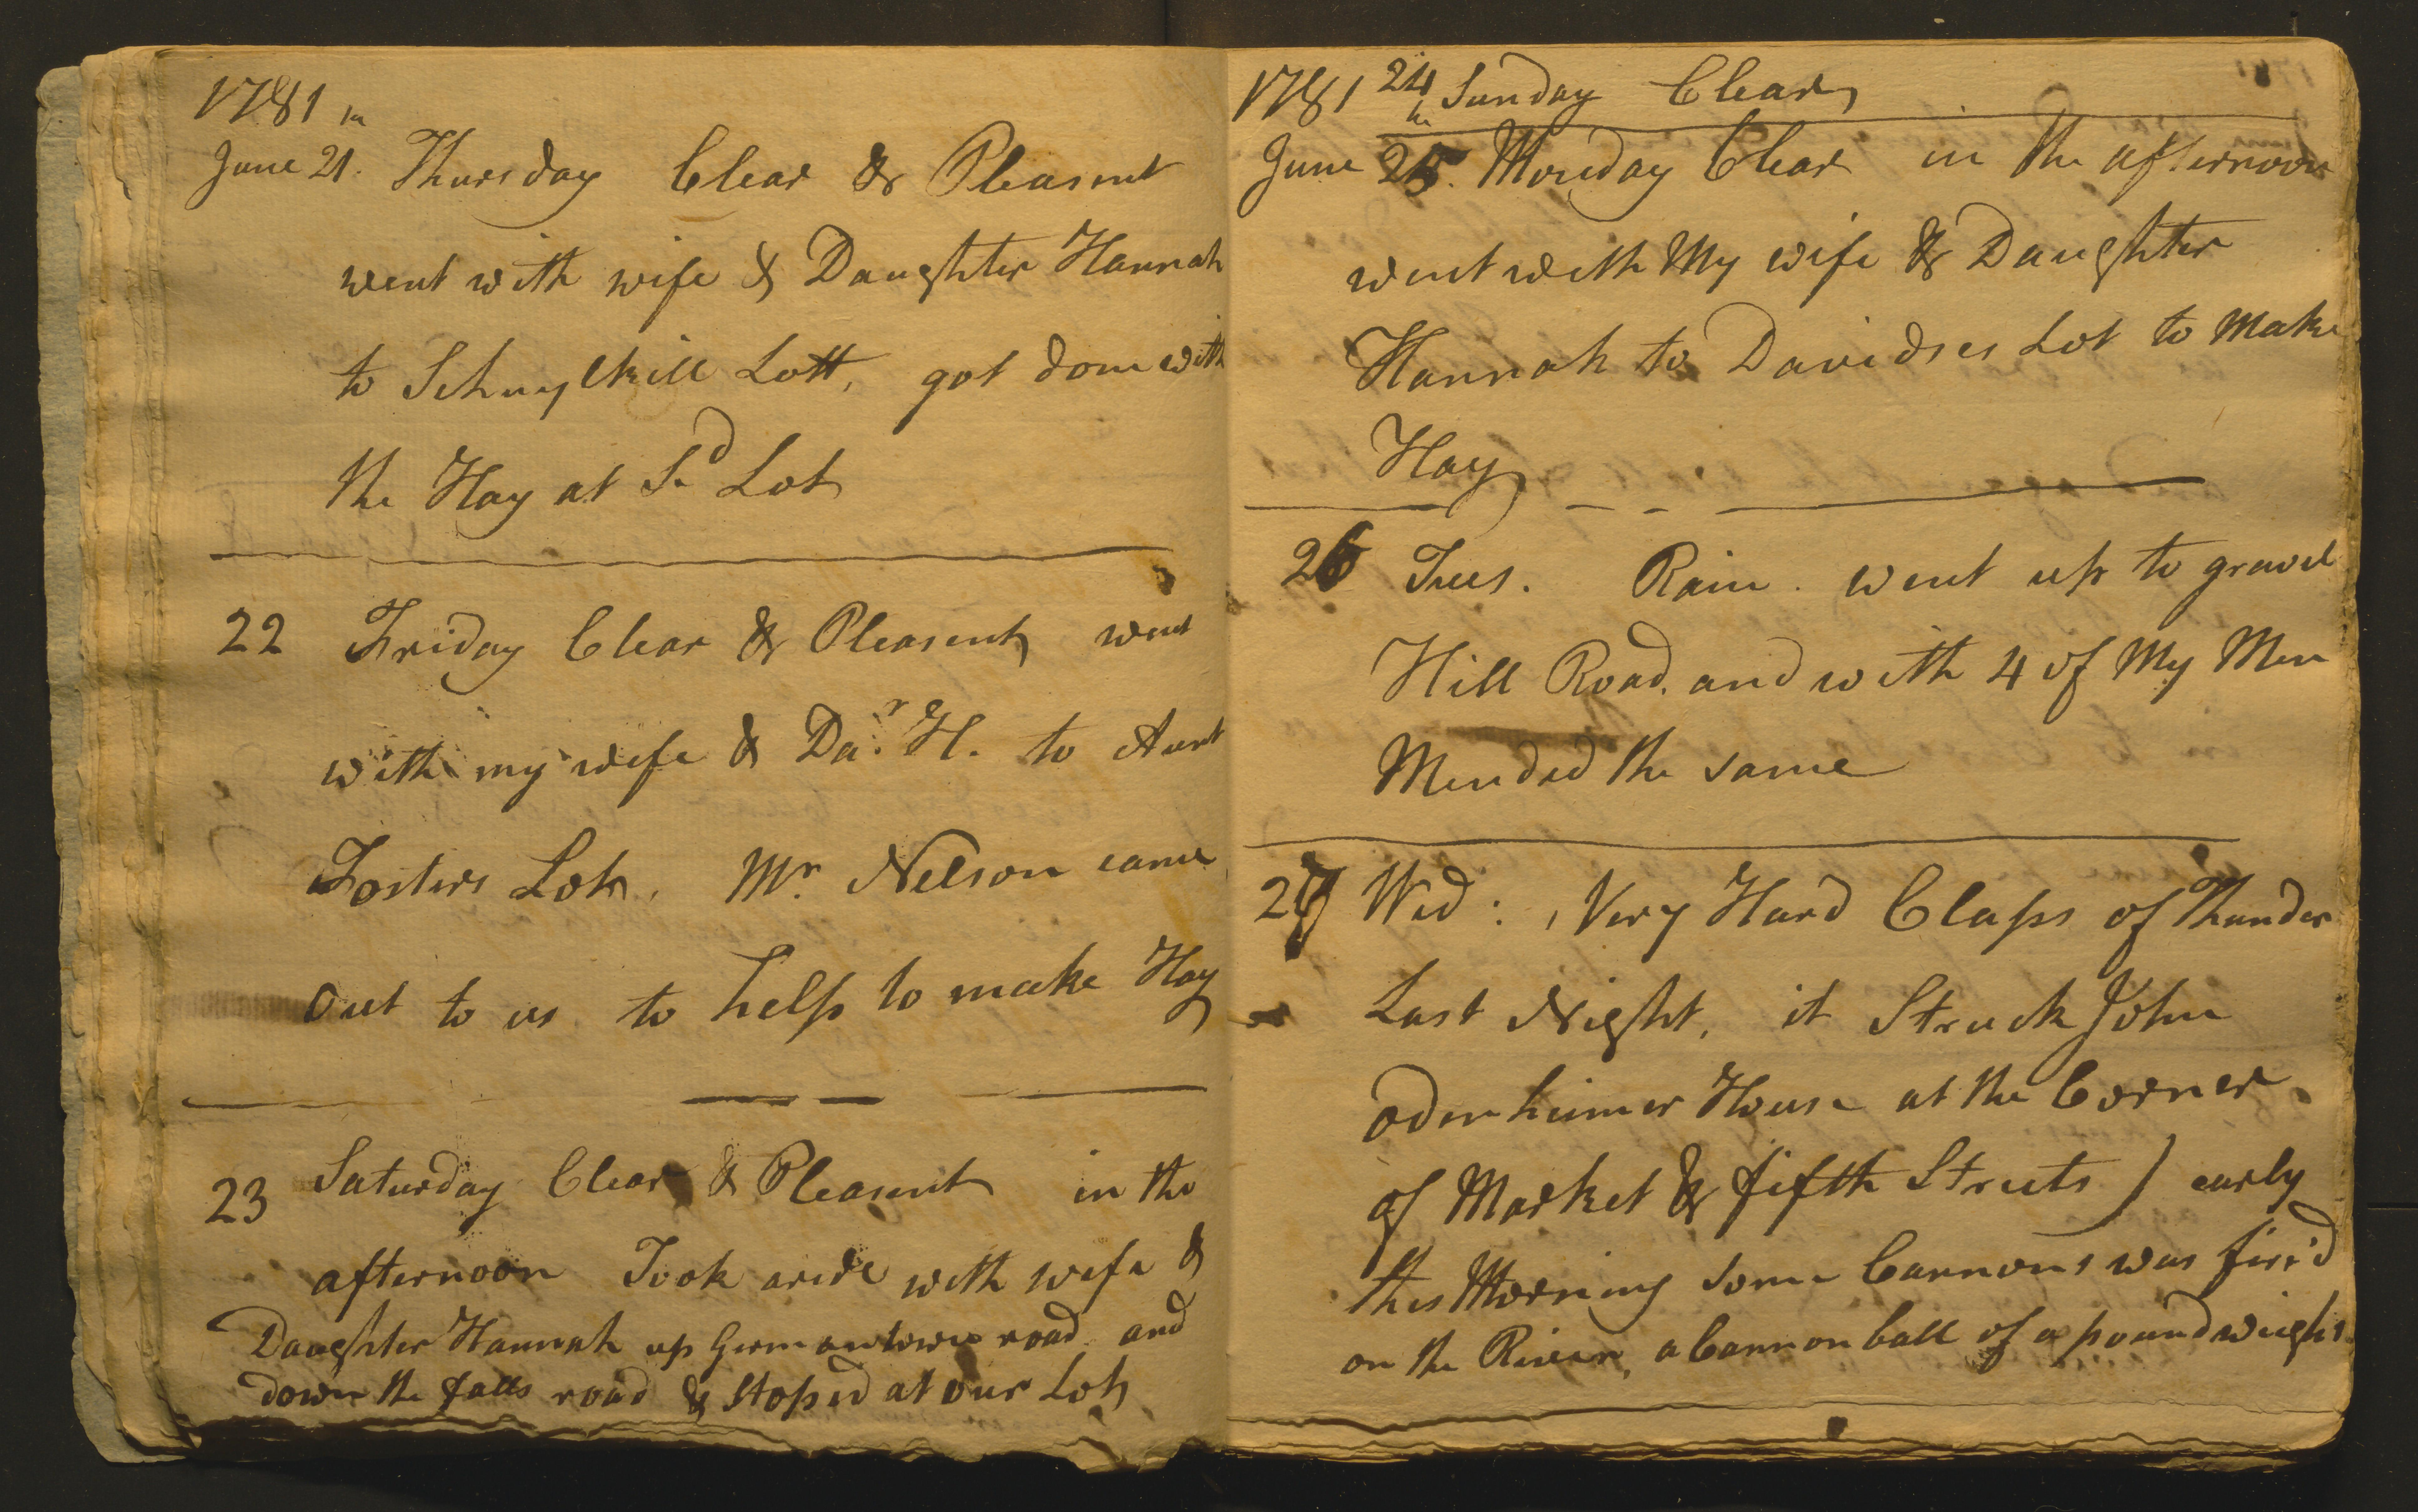1781
June 21^th. Thursday Clear & Pleasent
went with wife & Daughter Hannah
to Schuylkill Lott, got done with
The Hay at s^d. Lot
22 Friday Clear & Pleasent went
with my wife & Da^r. H. to Aunt
Fosters Lot. M^r. Nelson came
out to us to help to make Hay
23
Saturday Clear & Pleasent in the
afternoon Took a ride with wife &
Daughter Hannah up Germantown road. and
Town the falls road & stoped at our Lots
1781 24 Sunday Clear
yune 25. Monday Clear in the afternoon
went with My wife & Daughter
Hannah to Davidses Lot to Make
Hlay
26 Tues. Rain. went up to gravel
Hill Road. and with 4 of My Men
Mended the same
27 Wed: Very Hard Claps of thunder
Last Night, it Struck John
odenheimer House at the Corner
of Market & fifth Streets) early
this morning some Cannons was fire'd
on the River, a Cannonball of a pound weight